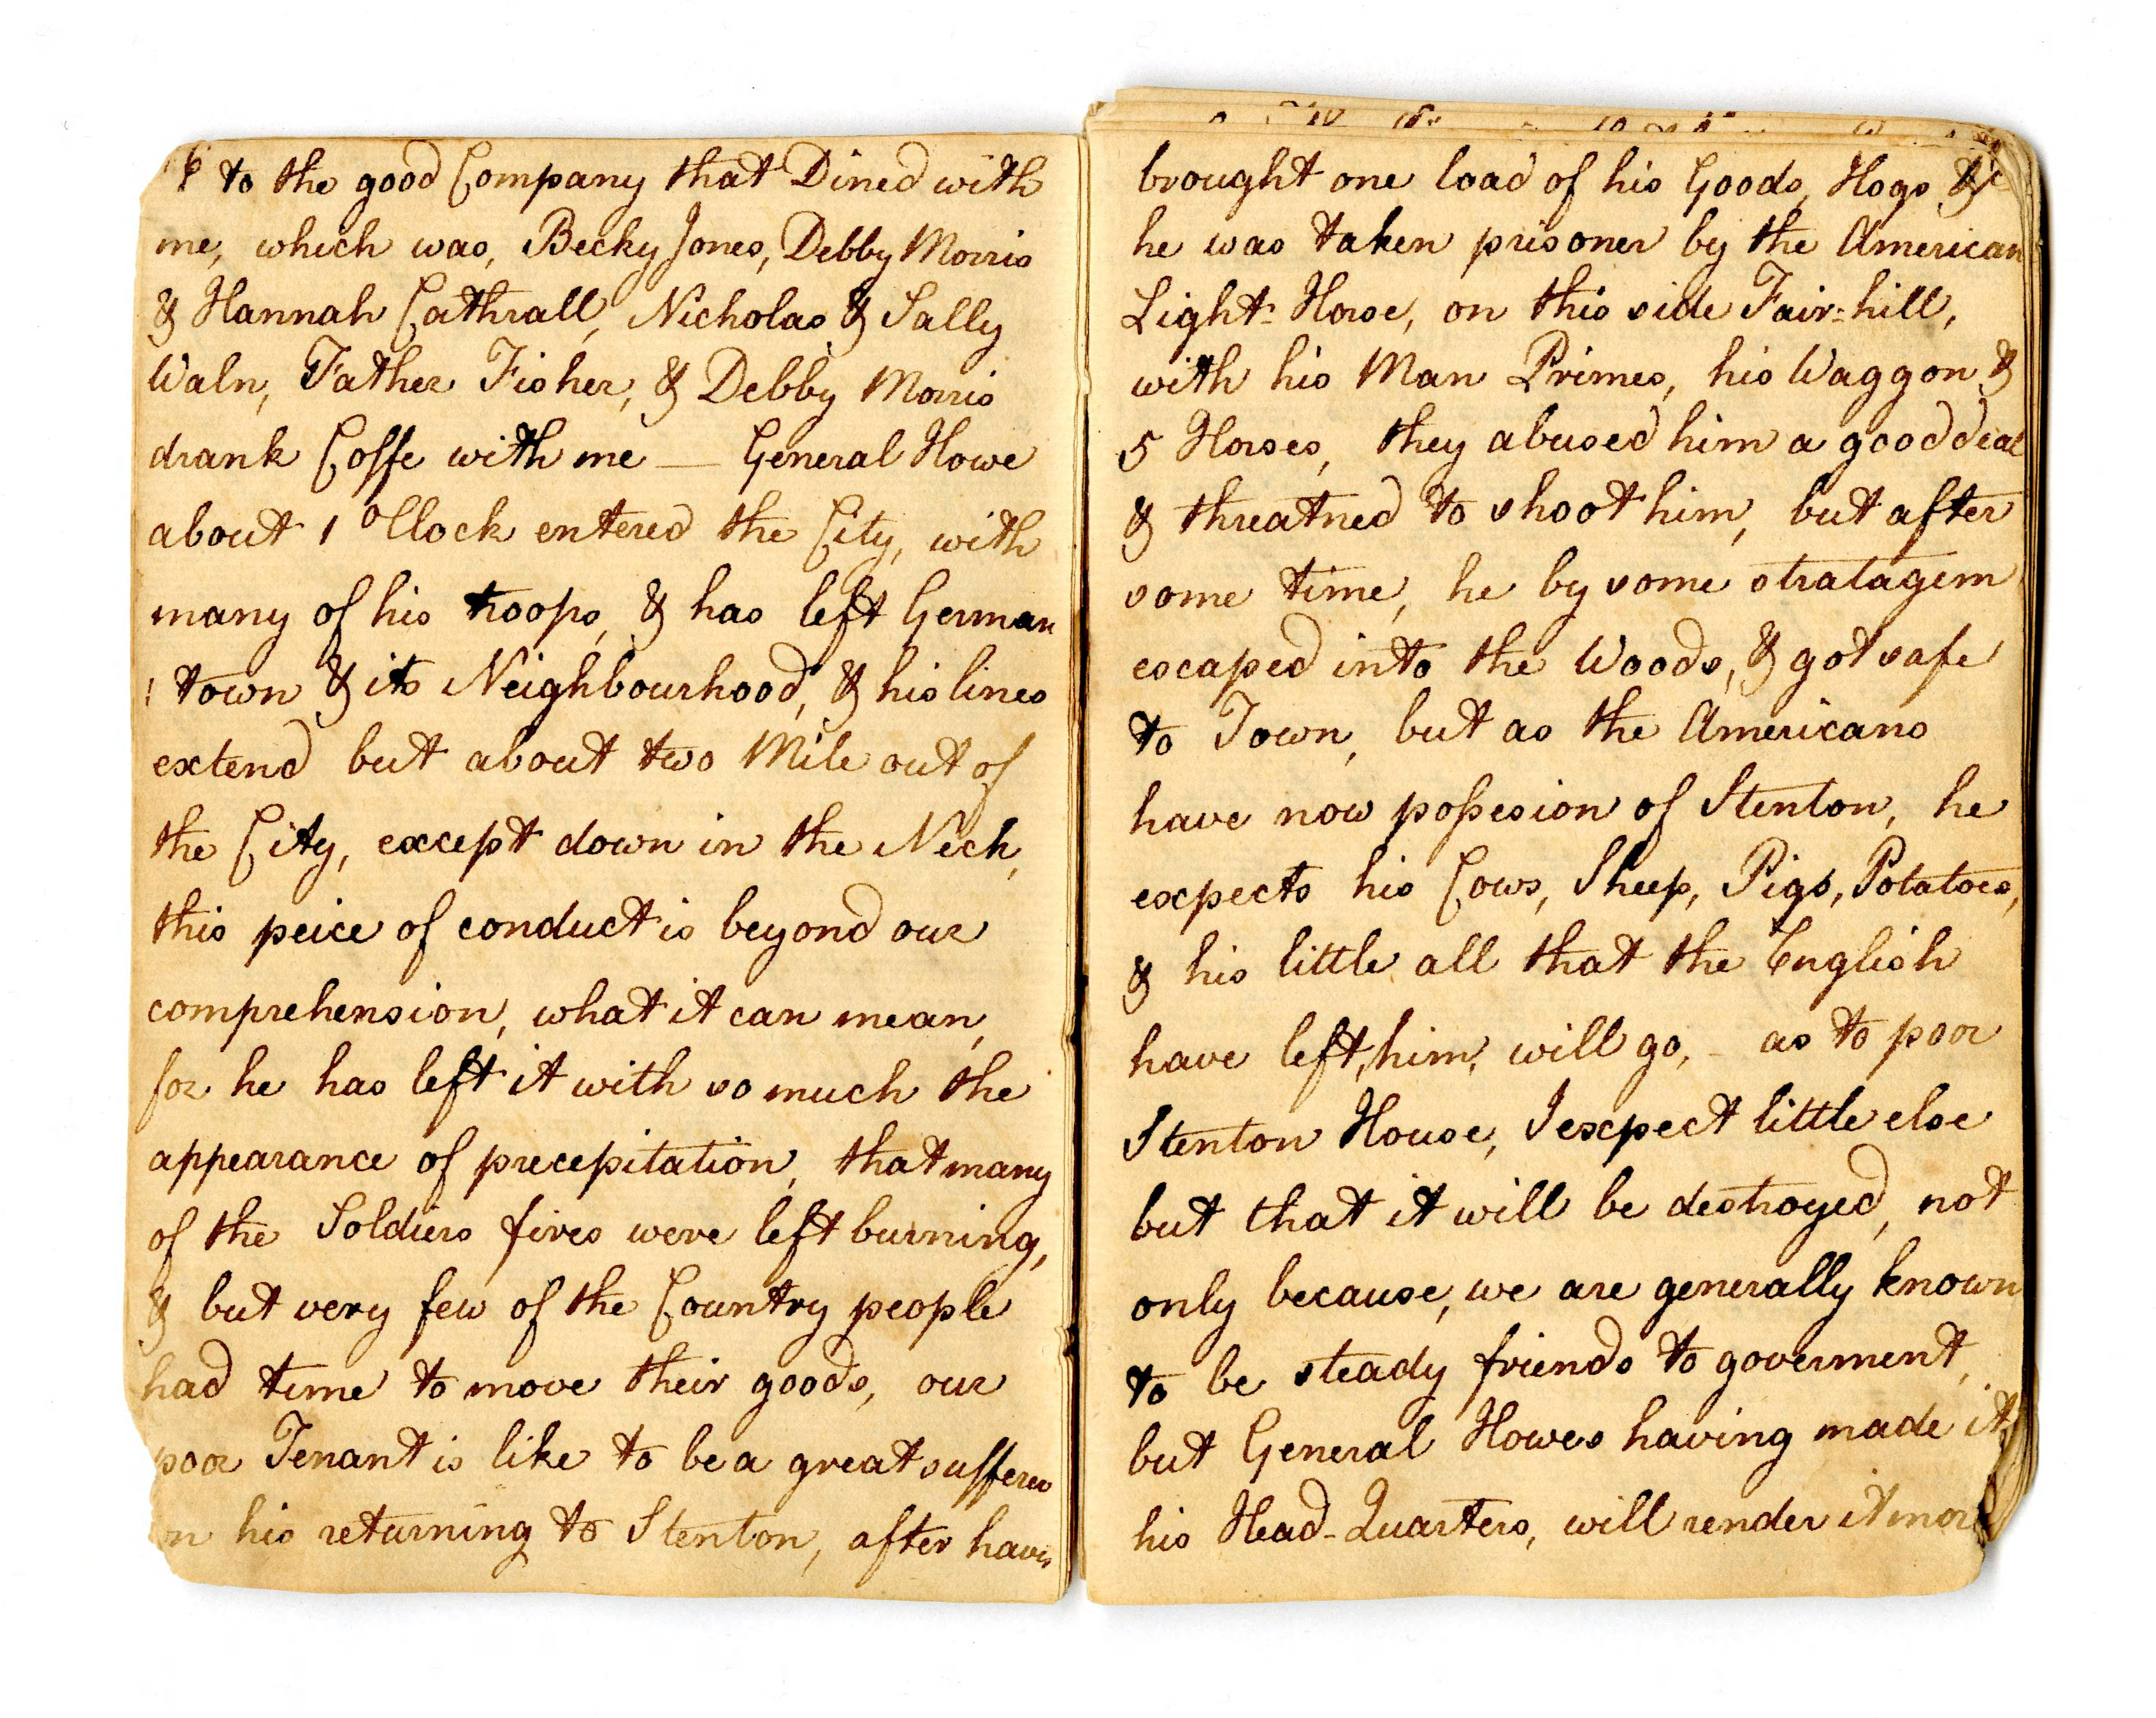16 to the good Company that Dined with
me, which was, Becky Jones, Debby Morris
& Hannah Cathrall, Nicholas & Sally
Waln, Father Fisher, & Debby Morris
drank Coffe with me- General Howe
about 1 ^o Clock entered the City, with
many of his troops, & has left German
-town & its Neighbourhood, & his lines
extend but about two Mile out of
the City, except down in the Nick,
this peice of conduct is beyond our
comprehension, what it can mean
for he has left it with so much the
appearance of precepitation, that many
of the Soldiers fires were left burning,
& but very few of the Country people
had time to move their goods, our
poor Tenant is like to be a great sufferer
in his returning to Stenton, after havin
brought one load of his Goods, Hogs &^c
he was taken prisoner by the American
Light-Horse, on this side Fair-hill,
with his Man Primes, his Waggon &
5 Horses, they abused him a good deal
& threatned to shoot him, but after
some time, he by some stratagem
escaped into the Woods, & got safe
to Town, but as the Americans
have now possesion of Stenton, he
expects his Cows, Sheep, Pigs, Potatoes
& his little all that the English
have left him, will go as to poor
Stenton House, I expect little else
but that it will be destroyed, not
only because, we are generally known
to be steady friends to goverment
but General Howes having made it
his Head-Quarters, will render it mor